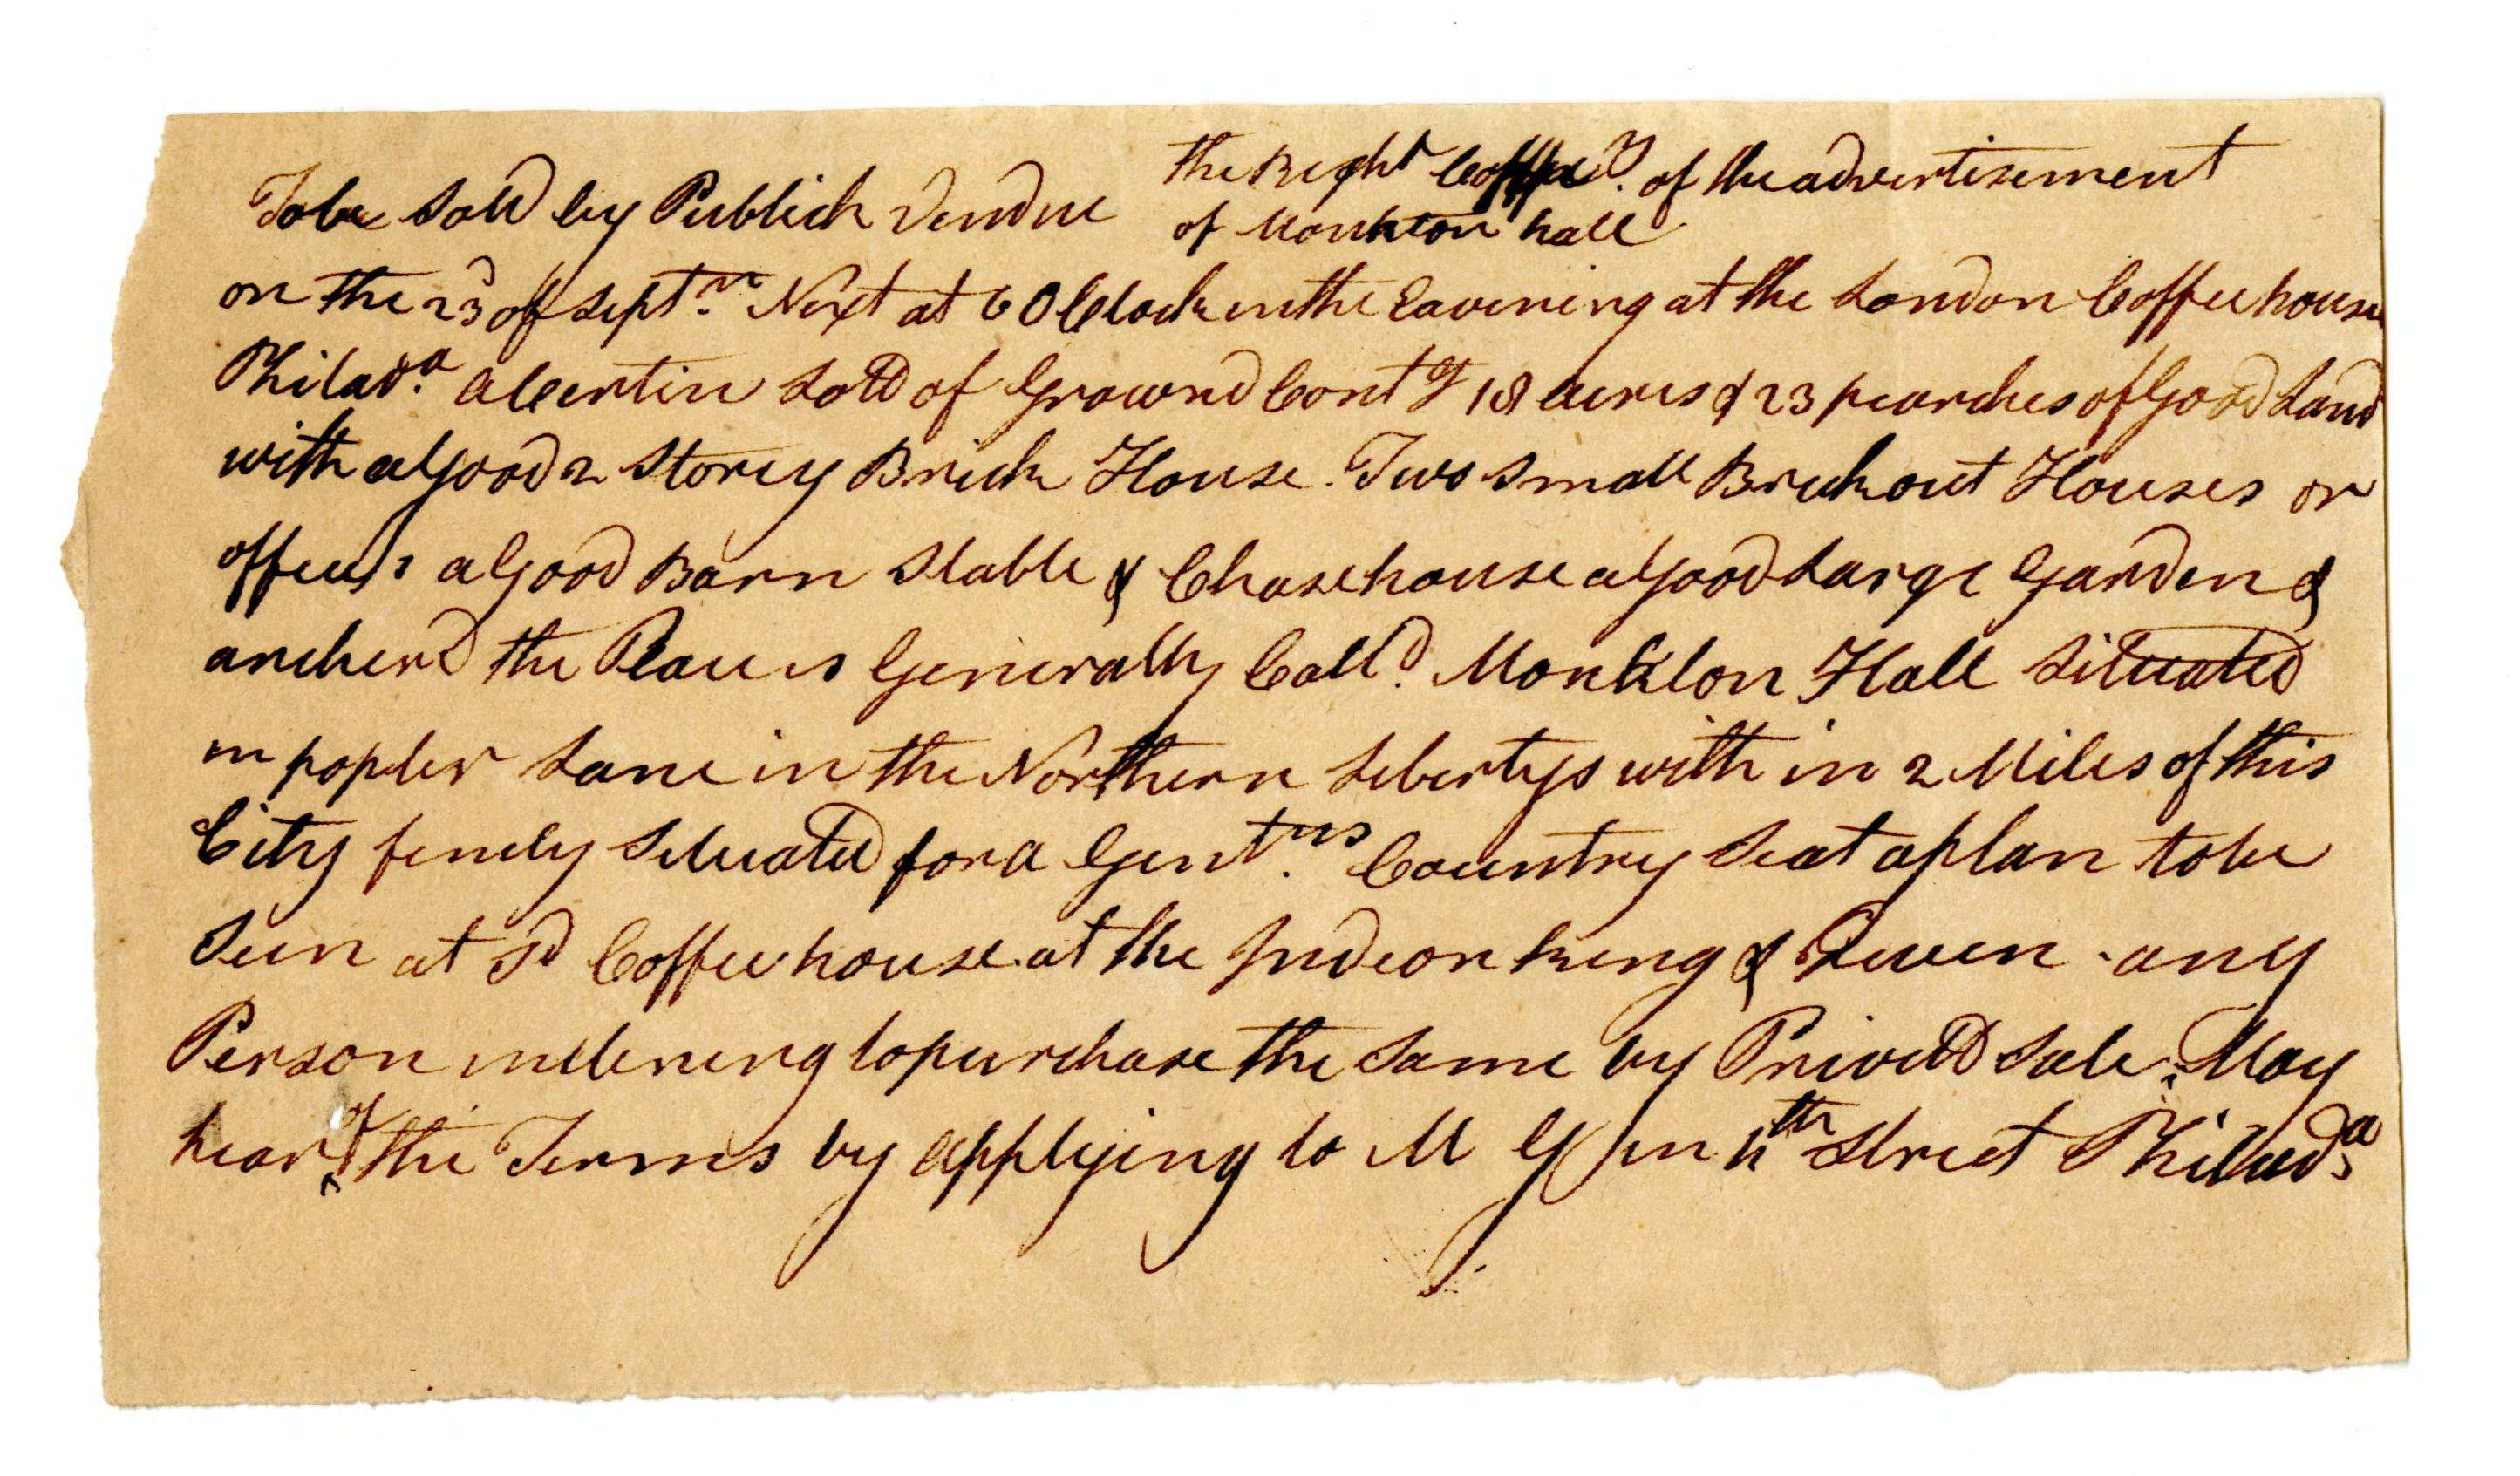the right Copp^y of the advertisement
To be sold by Publick Vendue
of Monkton hall
on the 23^d of Sept^r. Next at 6 OClock in the Eavening at the London Coffee house
Philad^a. a certain Lotd of Ground Cont^g 101 acres & 23 pearches of Good Land
with a good 2 Storey Brick House. Two small Brickout Houses or
offices a Good Barn stable & Chasehouse a good Large garden &
anchend the Place is Generally Call^d Monkton Hall situated
in proper Lane in the Northern Libertys with in 2 Miles of this
City finely situated for a Gent^ns. Country Seat a plan to be
seen at s^d Coffeehouse at the Indian King & Queen any
Person inclining to purchase the same by Private sale May
hear ^of the terms by applying to M G in 4^th. Street Philad^a.